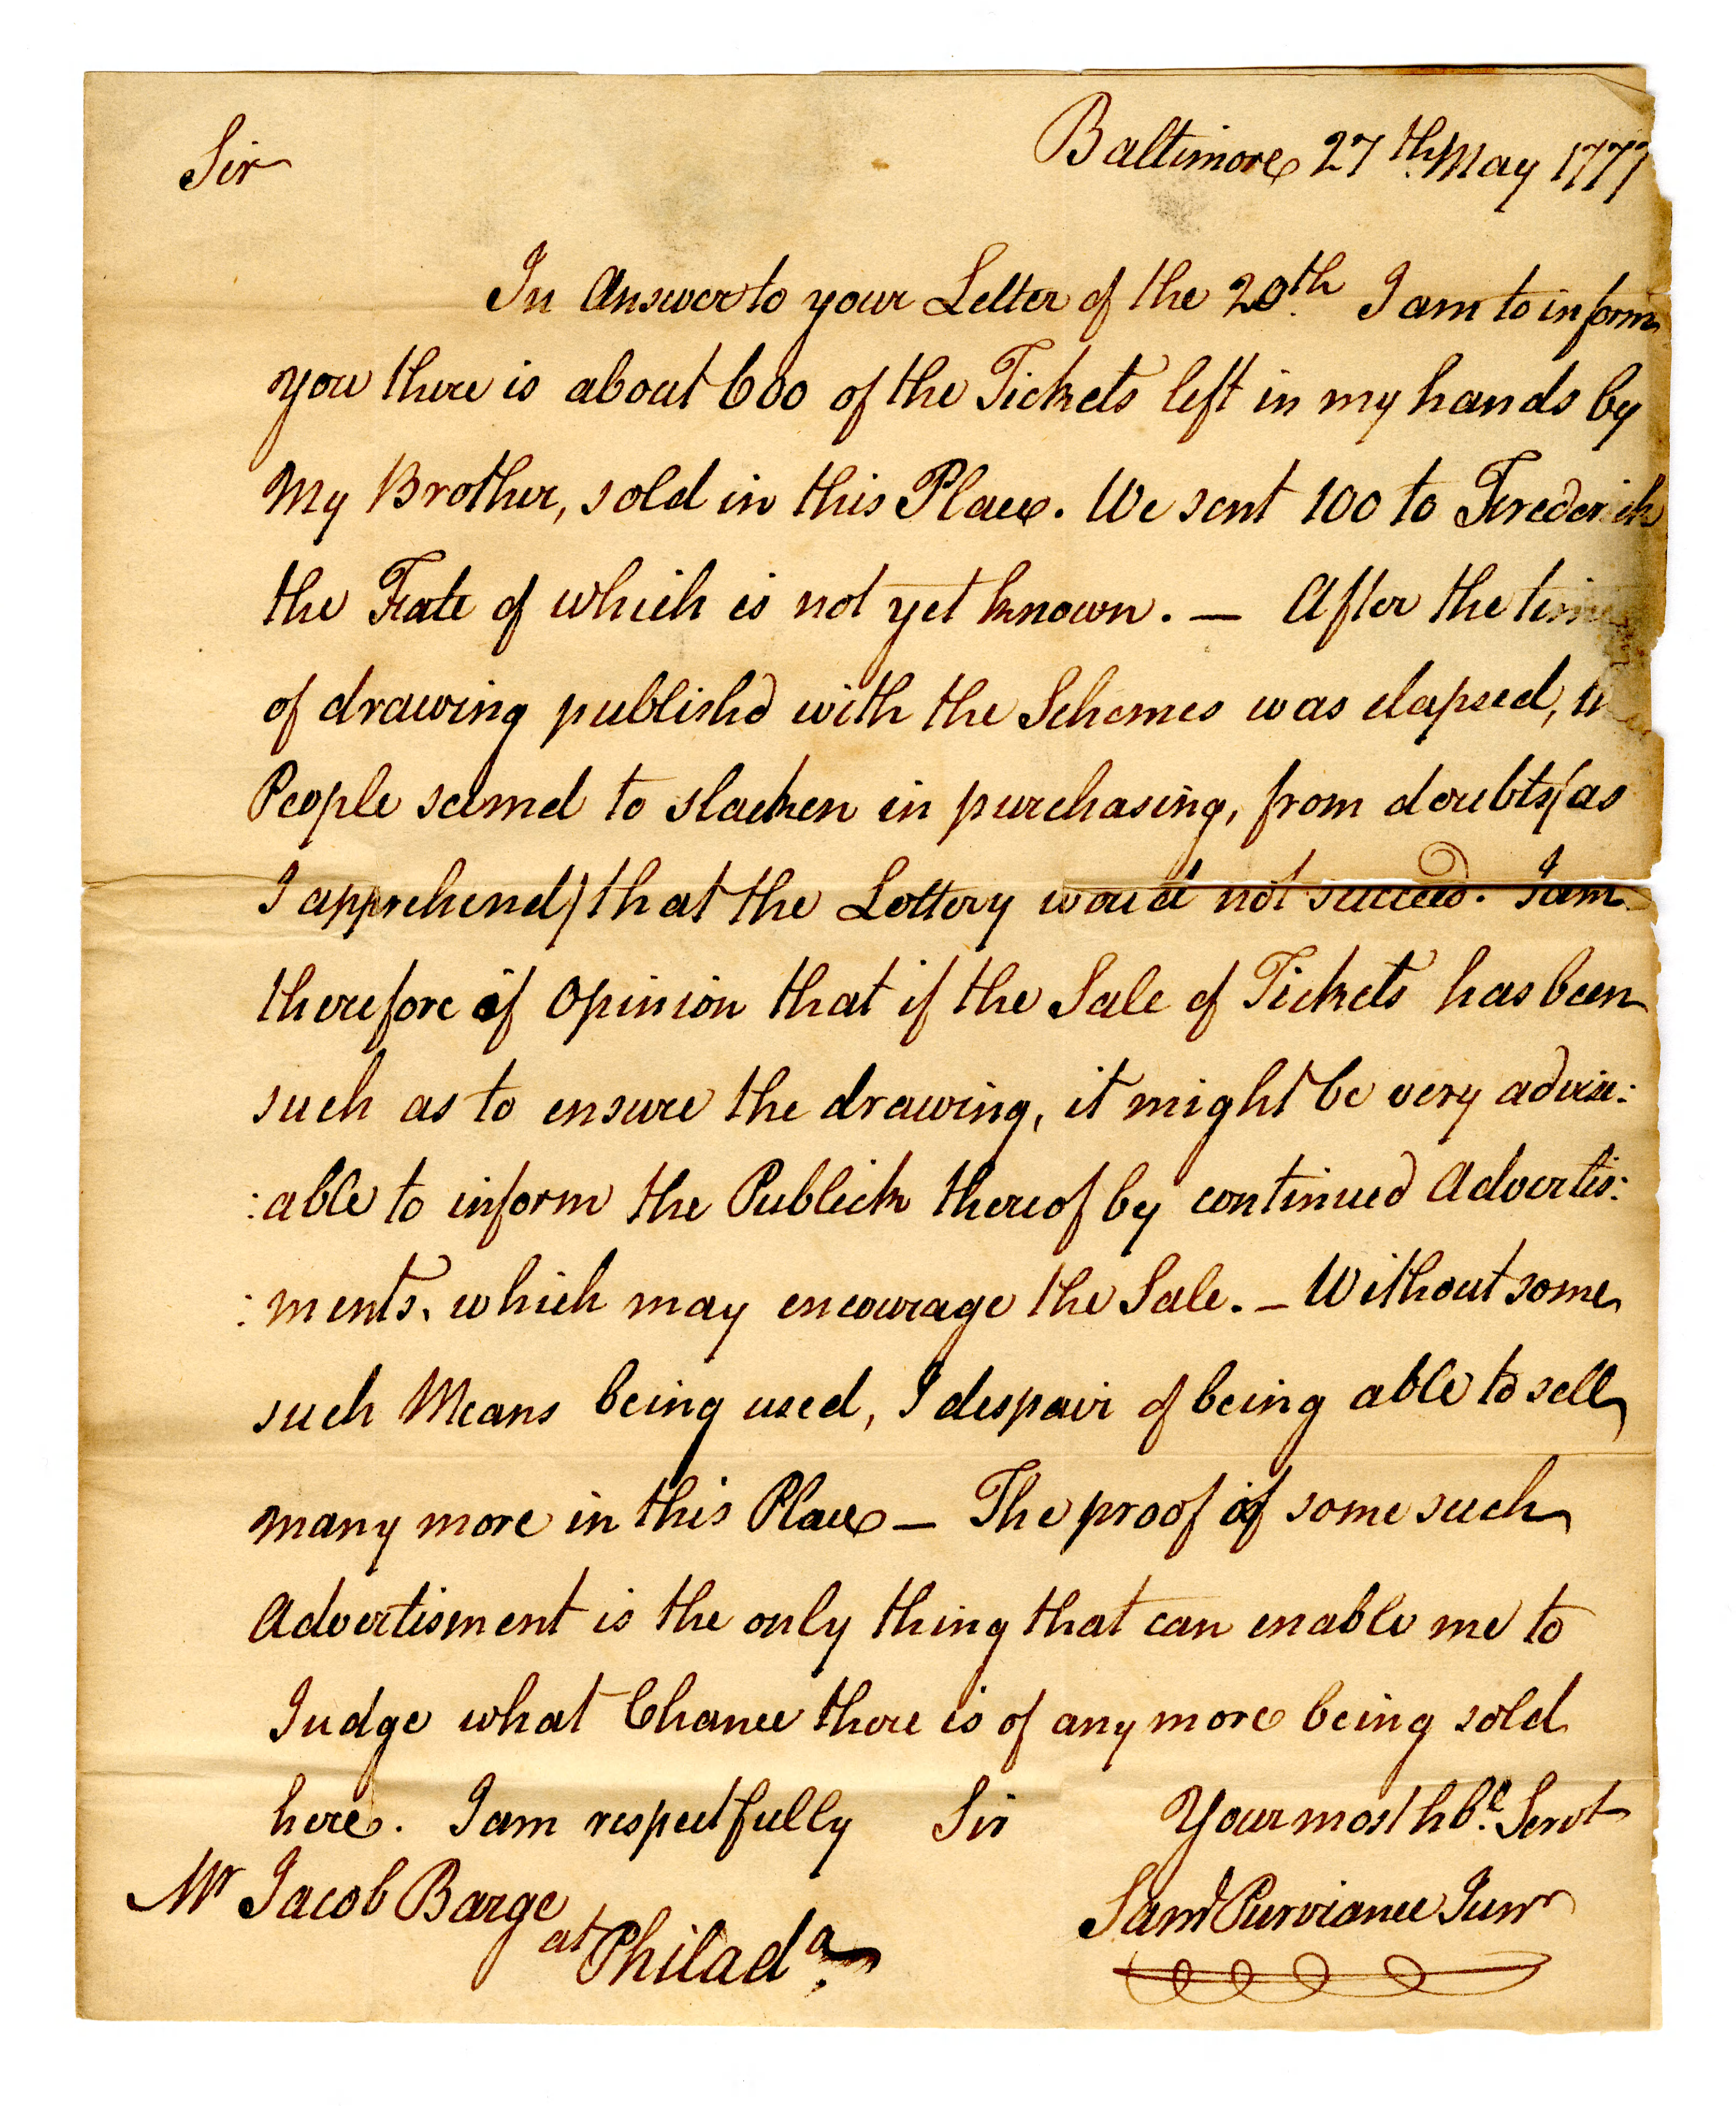Baltimore 27^th. May 1777
Sir
In Answer your Letter of the 20^th. I am to inform
you there is about 600 of the Tickets left in my hands by
my Brother, sold in this Place. We sent 100 to Frederick
the Fate of which is not yet known.- After the time
of drawing published with the Schemes was elapsed, th
People seemd to slacken in purchasing, from doubts (as
I apprehend) that the Lottery woud not succeed. I am
therefore of opinion that if the Sale of Tickets has been
such as to ensure the drawing, it might be very advise-
-able to inform the Publick thereof by continued Advertis-
-ments which may encourage the Sale.- Without some
such Means being used, I despair of being able to sell
many more in this Place- The proof of some such
Advertisment is the only thing that can enable me to
Judge what Chance there is of any more being sold
here. I am respectfully Sir
M^r Jacob Barge
at
Philad^a.
Your most hb^l. Servt
Sam^l Purviance Jun^r